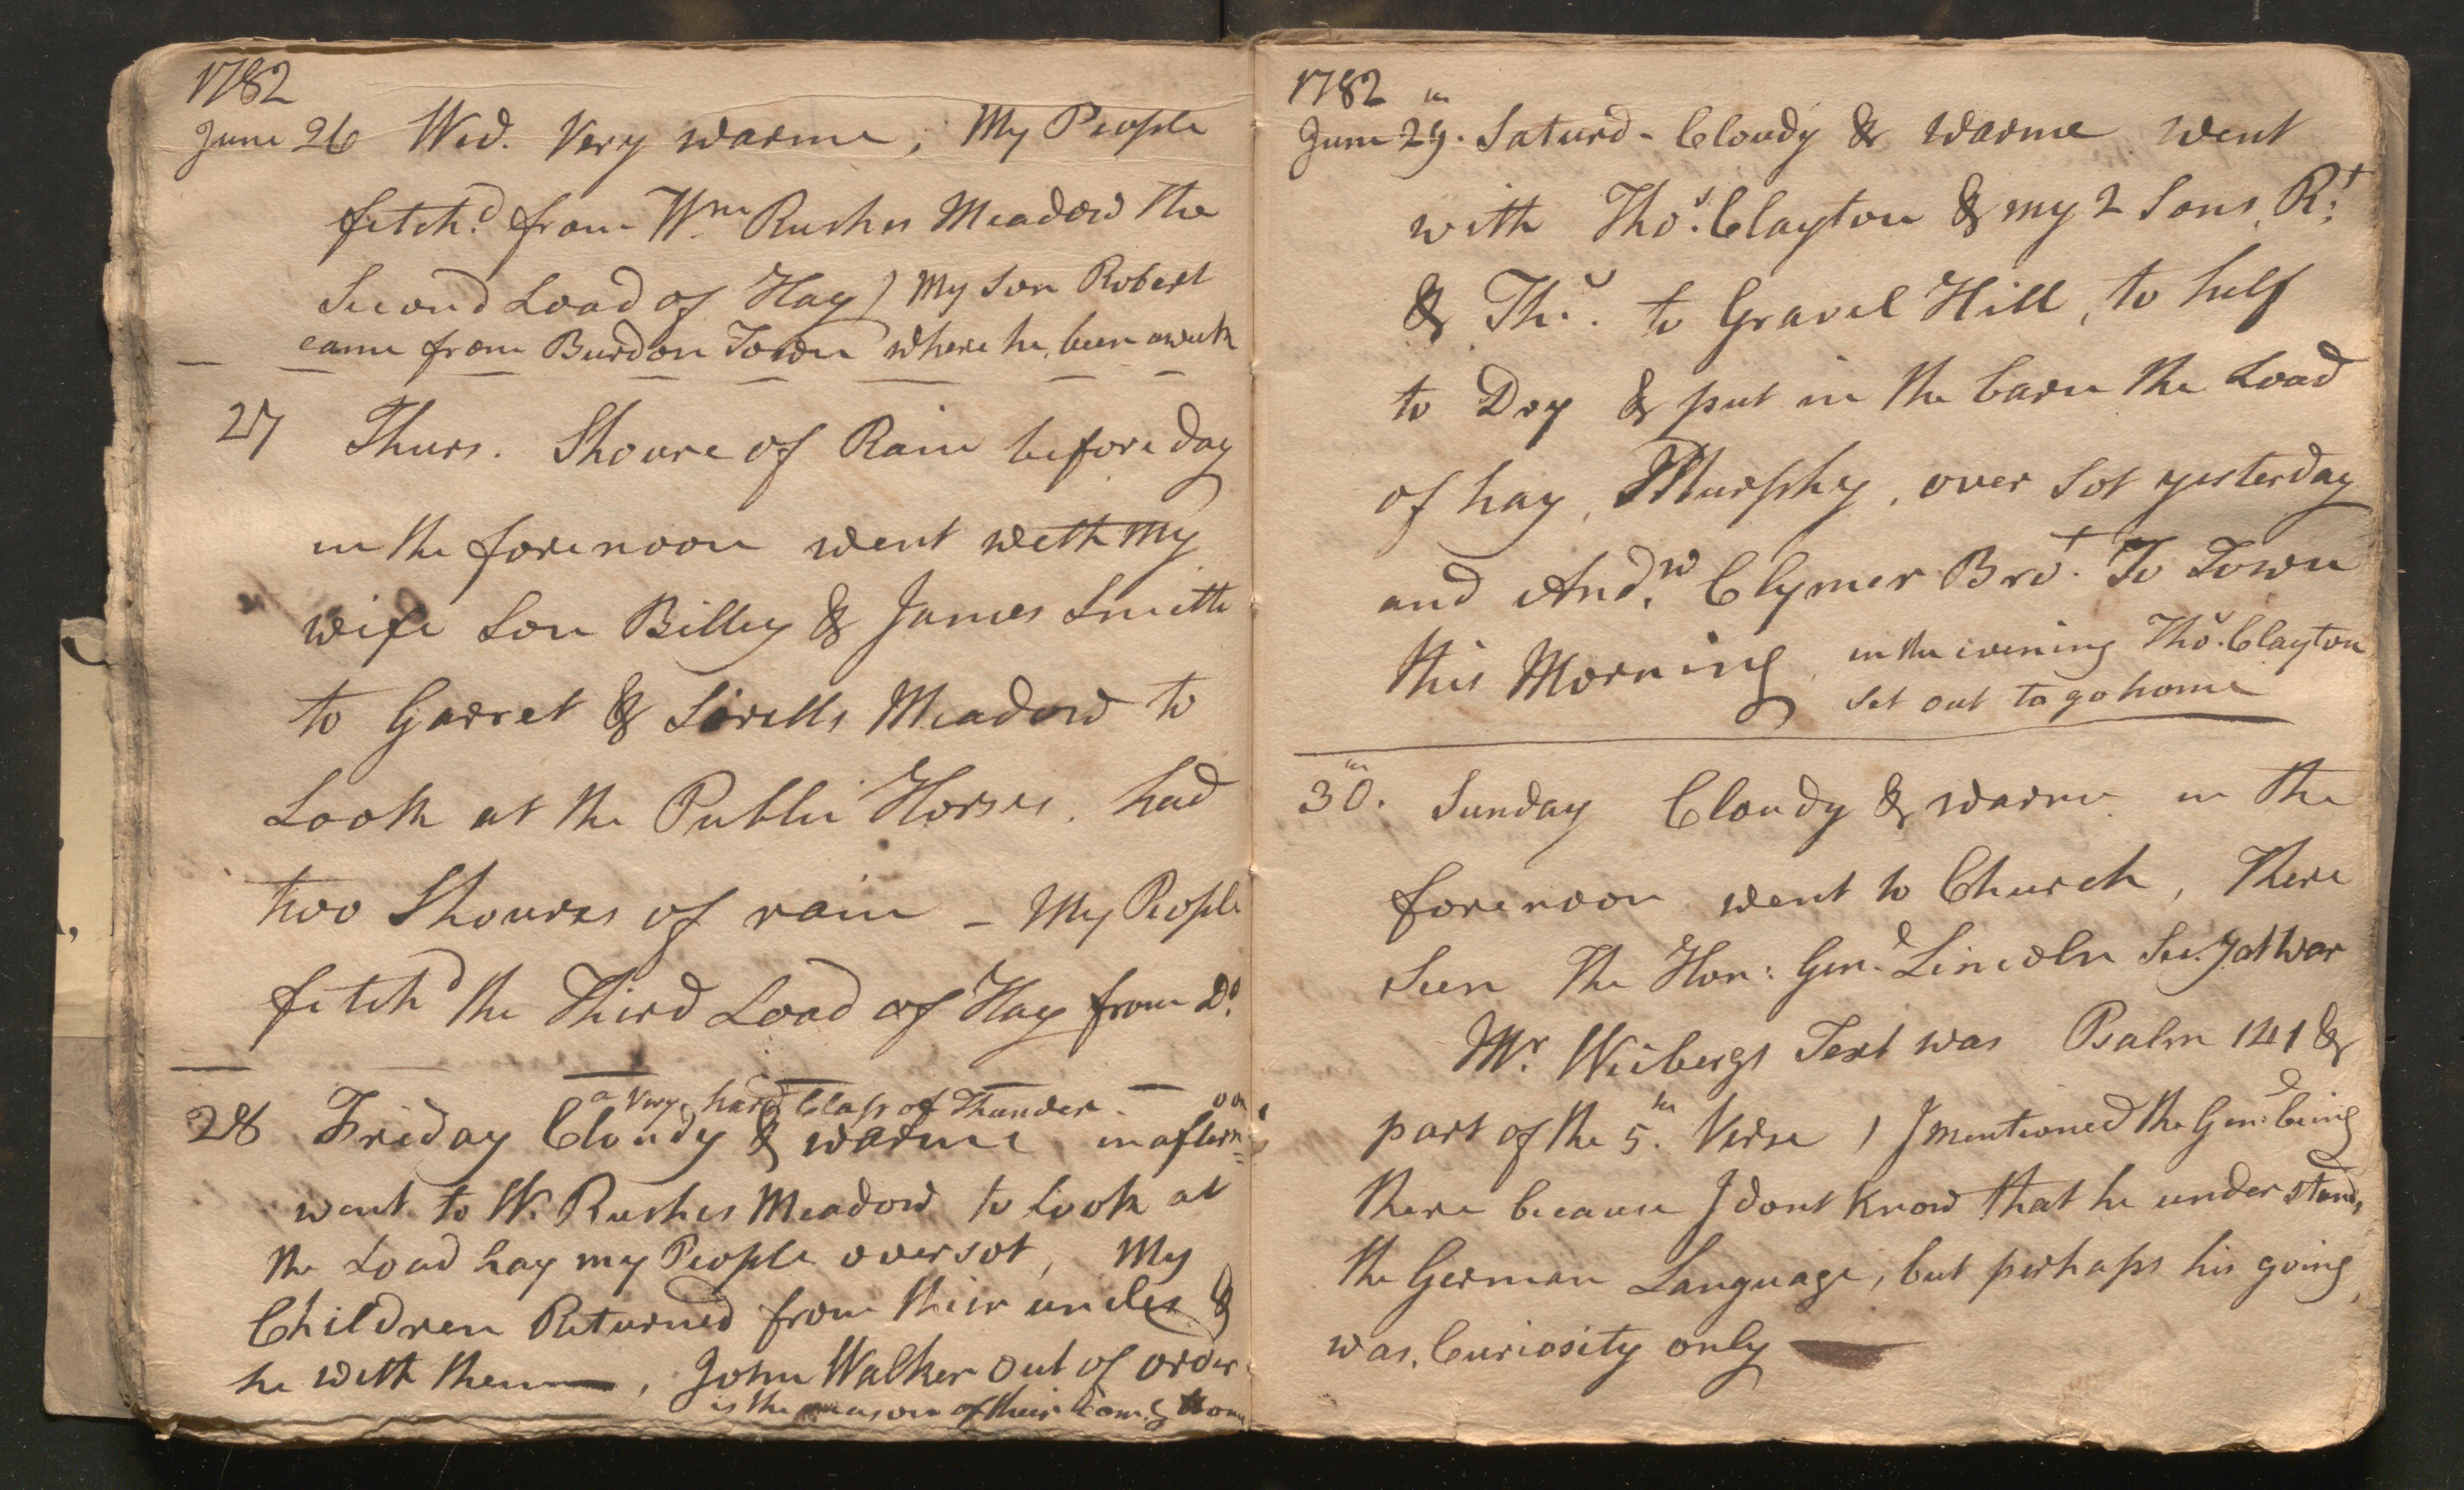1782
June 26 Wed. Very warme, My People
fetch^d. from W^m. Rushes Meadow the
second Load of Hay ) My son Robert
came from Burdon Town where he been a week
27 Thurs. Shoure of Rain before day
in the forenoon went with My
wife Son Billey & James Smith
to Garret & Sirells Meadow to
Look at the Public Horses, had
two Shoures of rain- My People
fetch the third Load of Hay from D^o.
a Very hard Clap of Thunder.
28 Friday Cloudy & warm ^ in aftern^oon
went to W. Rushes Meadow to look at
the Load hay my People over sot, My
Children Returned from their uncles &
he with them, John Walker out of order
is the reason of their com^g. Home
1782
June 29^th. Saturd. Cloudy & Warme went
with Tho^s. Clayton & my 2 Sons R^t:
& Th^s. to Gravel Hill to help
to Doy & put in the barn the Load
of hay Murphy, over sot yesterday
and And^w. Clymer Bro^t. To Town
this Morning in the evening Tho^s. Clayton
set out to go home
30. Sunday Cloudy & warm in the
forenoon went to Church, There
seen The Hon: Gen^l. Lincoln sec^y. at war
M^r. Weibergs Text was Psalm 141 &
part of the 5^th. Verse I mentioned the Gen^l. being
there because I dont know that he understand
the German Language, but perhaps his going
was Curiosity only